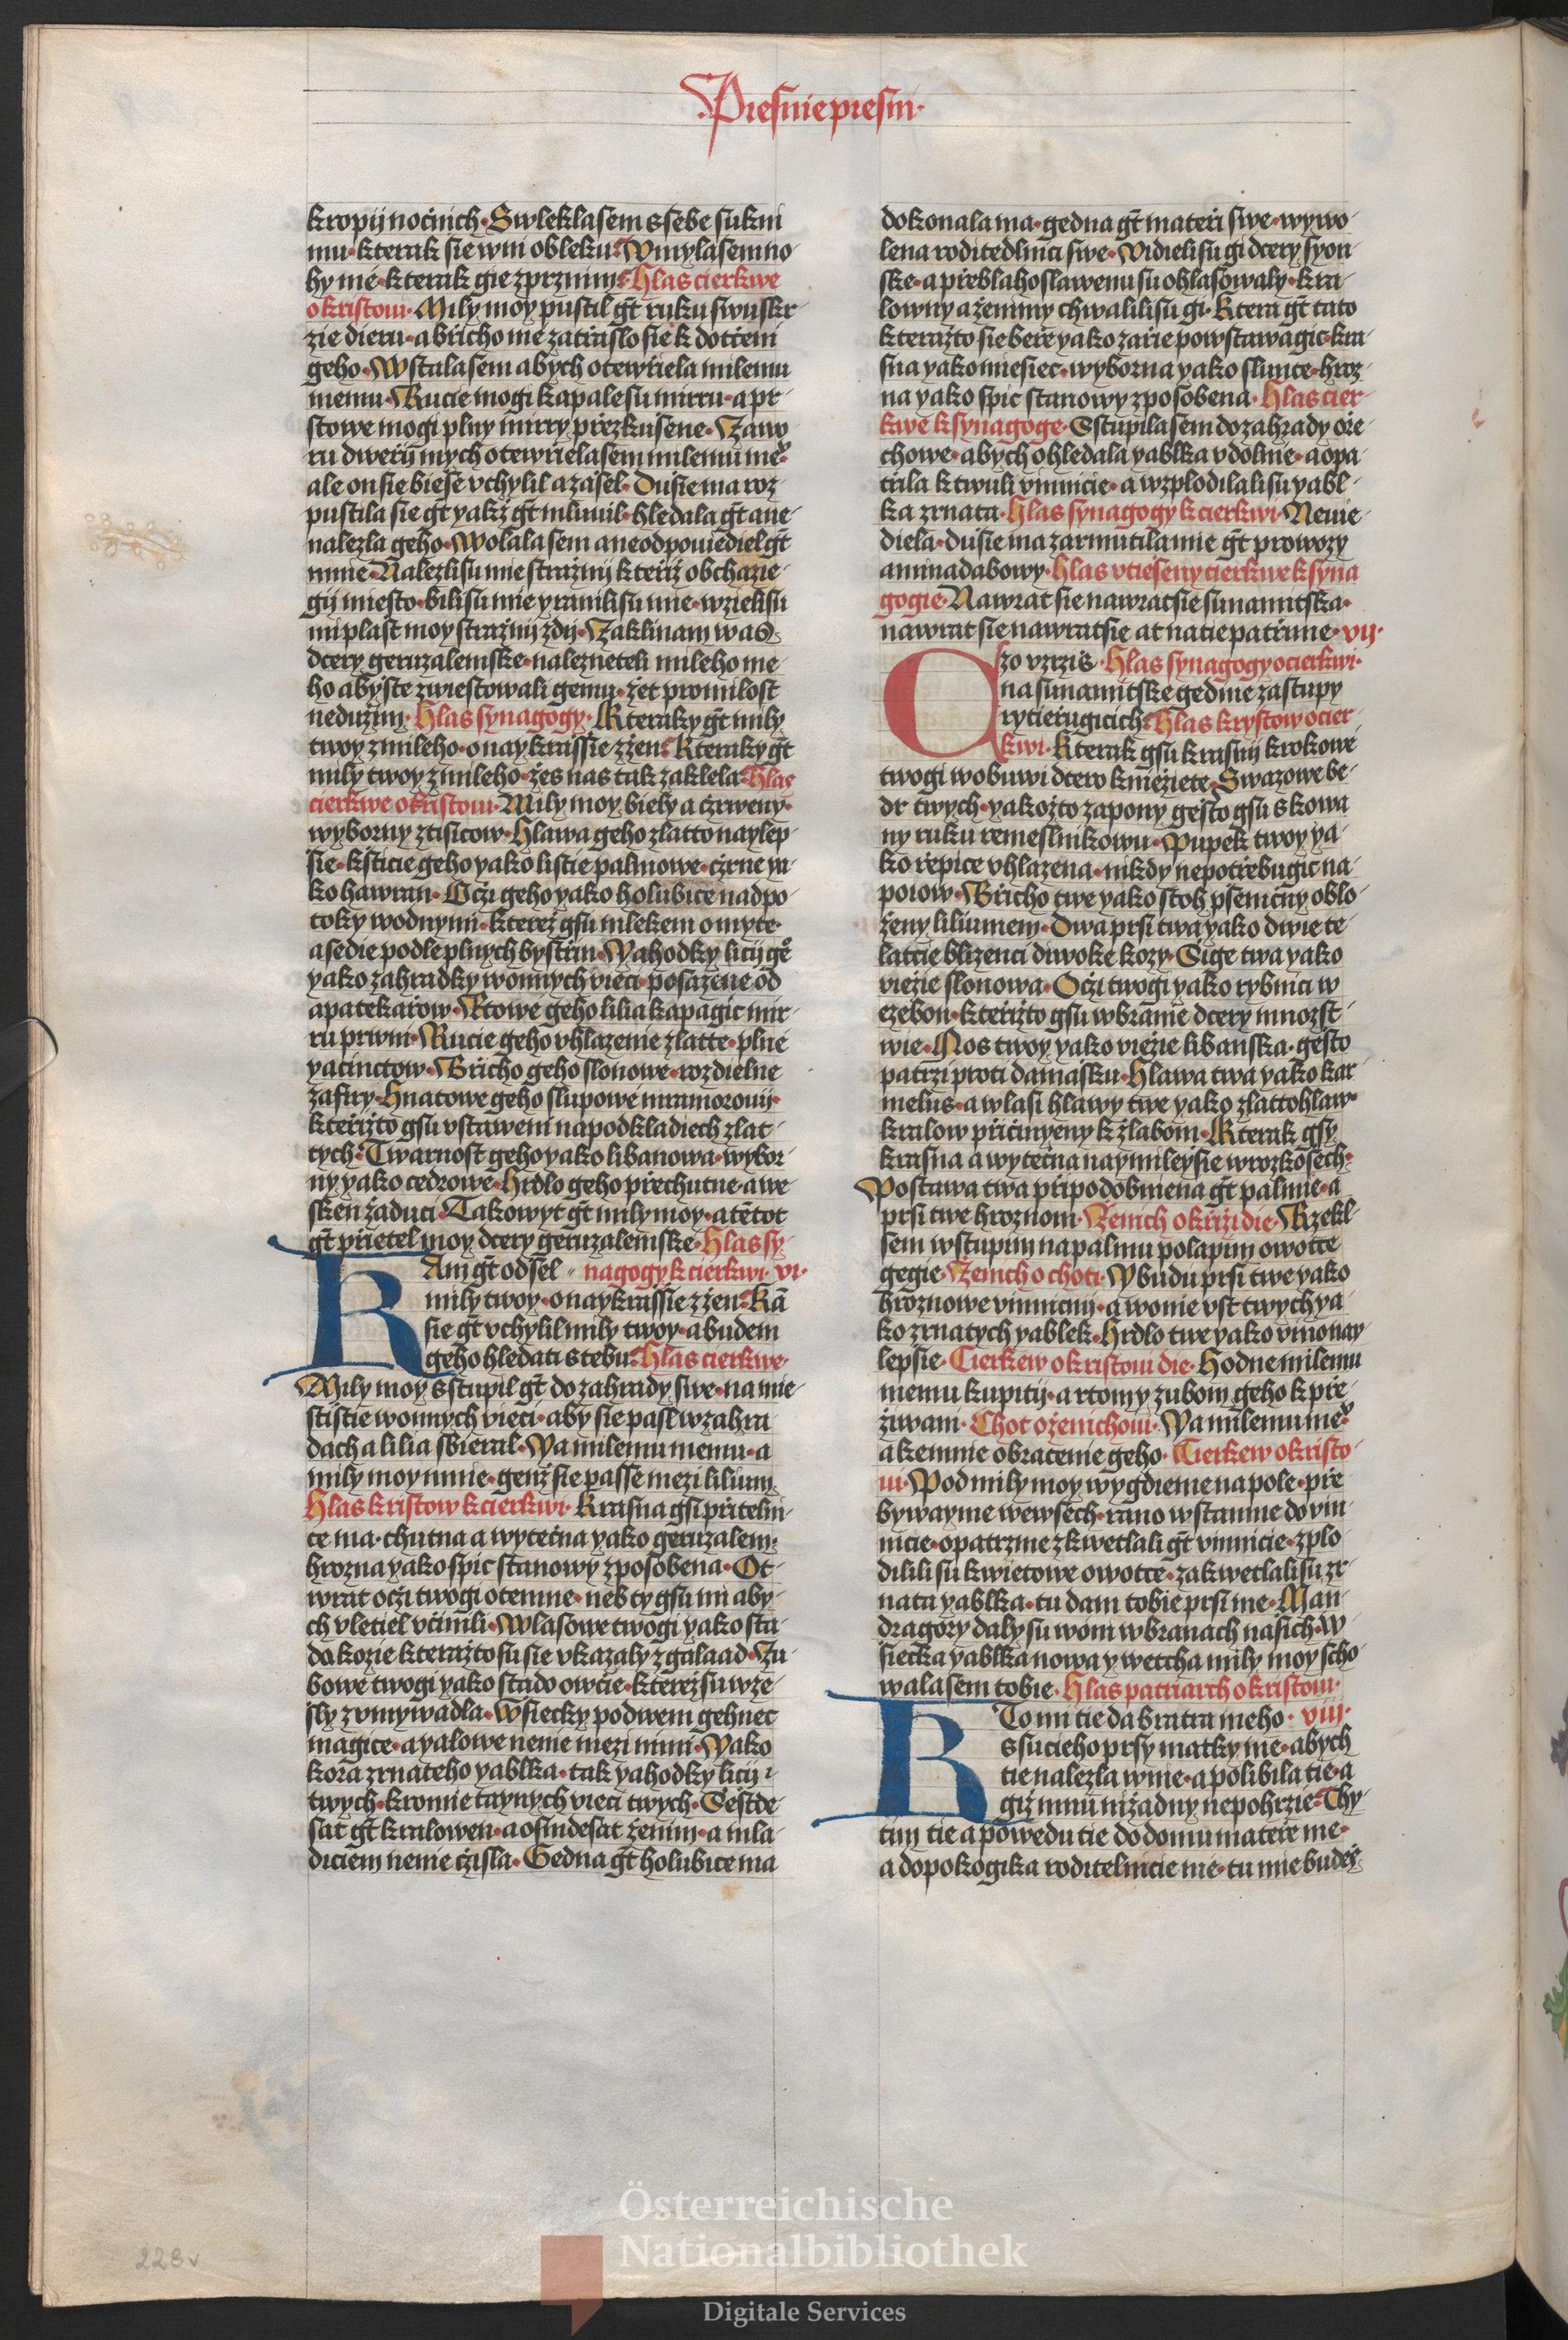Pieſnie pieſní.
kropíj noċních.Swlekla ſem sſebe ſukni
mu. kterak ſie wní obleku?Vmylaſem no¬
hy mé.kterak gíe zprzním? Hlas cíerkwe
oktiſtoui. Mily moy puſtil ḡt ruku ſwuſkr¬
zie díeru. a bṙicho mé zatṙaſlo ſie k dotċení
geho. Wſtala ſem abych otewṙiela milemu
memu.Rucie mogi kapaleſu mirru. a pr¬
ſtowe mogi plny mirry pṙezkuẛene.Zawo¬
ru dweṙij mych otewṙielaſem milemu mev
ale on ſie bieẛe vchylil a zaẛel.Duẛiema roz¬
puſtila ſie ḡt yakż ḡt mluuil. hledala ḡt ane¬
nalezla geho.Wolala ſem a neodpoviedíel ḡt
mnie. Nalezliſu mie ſtrażníj kteṙíż obchazie¬
gíj mieſto.biliſu míe y raniliſu mie.wzielilſu
mi plaẛt moy ſtrażnij zdij.Zaklínam was
dcery geruczalemſke.nalezneteli mileho me¬
ho abyẛte zwieſtowalí gemu.žet promiloſt
nedużím.Hlas ſynagogy.Kteraky ḡt míly
twoy zmileho.onaykraẛẛie. zżen?Kteraky ḡt
mily twoy zmileho.żes nas tak zaklela?Hlas
cíerkwe okriſtoui.Mily moy bíely a cżrweny.
wyborny ztiſicow.Hlawa geho zlatto naylep¬
ẛie.kẛticie geho yako liſtíe palmowe.cżrne ya¬
ko hawran. Ocżi geho yako holubice nadpo¬
toky wodnymi.ktereż gſu mlekem omyte.
aſedíe podle plnych byſtṙín.Yahodky licij geo
yako zahradky wonnych viecí.poſazene od
apatekṙow. Rtowé geho lilia kapagíc mír¬
ru prwní.Rucie geho vhlazeníe zlatte.plné
yacínctow.Bṙicho geho ſlonowe.rozdielne
zafiry.Hnatowe geho ſlupowé mramorouij.
kteṙíżto gſú vſtaweni napodkladiech zlat¬
tych.Twarnoſt geho yako libanowa.wybor¬
ný yako cedrowé.Hrdlo geho pṙechutne.a we¬
ſken żaducí.Takowyt ḡt mily moy.a tētot
ḡt pṙíetel moy dcery geruzalemſké.Hlas ſy¬
Ani ḡt odẛel nagogy k cíerkwi. vi.
mily twoy. o nyakraẛẛie z żen: Kā
ſie ḡt vchylil mily twoy.a budem
geho hledati s tebu? Hlas cíerkwe
Mily moy sſtupil ḡt do zahrady ſwe.na mie¬
ſtiẛtíe wonnych viecí.aby ſie paſl w zahra¬
dach a lilia ſbieral.Ya milemu memu. a
mily moy mnie. genż ſie paſſe mezi lilium
Hlas kriſtow k cierkwi. Kraſna gſi pṙitelni¬
ce mal. chutna a wyteċna yako geruzalem.
hrozna yako ſpic ſtanowy zpoſobena.Ot¬
wrat ocżi twogi otemne.neb ty gſu mi aby¬
ch vletiel vċínilí. Wlaſowe twogi yako ſta¬
dakozíe kterażto ſu ſíe vkazaly zgalaad. Zu¬
bowe twogí yako ſtado owċíe.ktereżſu wze¬
ẛly z vmywadla.Wẛiecky podwem gehnec
magíce.a yalowe neníe mezi ními.Yako
koza zrnateho yablka.tak yahodky licij
twych.kromie taynych viecí twych.Ṡeſtde¬
ſat ḡt kralowen.a oſmdeſat żenim.a mla¬
diciem nenie cżiſla.Gedna ḡt holubice ma
dokonala ma.gedna ḡt mateṙi ſwe.wywo¬
lena roditedlnici ſwe.Vidieliſu gi dcery ſyon¬
ſke. a pṙeblahoſlawenu ſu ohlaſowaly.kra¬
lowny a żenimy chwaliliſu gi.Která ḡt tato
kteráżto ſíebeṙe yako zaṙie powſtawagíc.kra¬
ſna yakomíeſiec. wyborna yako ſlunce.hroz¬
na yako ſpic ſtanowy zpoſobena.Hlas cier¬
kwe kſynagoge. Sſtupilaſem dozahrady oṙe¬
chowe.abych ohledala yablka vdolníe.aopa¬
tṙila k twuli vinnicie.a wzplodilali ſu yabl¬
ka zrnata.Hlas ſynagogy k cierkwi.Neuie¬
diela.duẛie ma zarmutila mie ḡt prowozy
aminadabowy. Hlas vtieẛeny cierkwe kſyna
gogie. Nawrat ſie nawratſie ſunamitſka.
nawrat ſie nawratſie at na tiepatṙime.vij.
zo vzrziṡ.Hlas ſynagogyocierwi.
na ſunamitſke gedine zaſtupy
ritieṙugicích?Hlas kryſtow ocier¬
kwi Kterak gſu kraſnij krokowé
twogi wobuwi dcero knieżiete.Swazowe be¬
dr twych.yakożto zapony geẛto gſu skowa¬
ny ruku remeſlníkowu.Pupek twoy ya¬
ko ṙepice vhlazena.nikdy nepotṙebugic na¬
poiow.Bṙicho twe yako ſtoh pẛeniċny oblo¬
żeny liliumem.Dwa prſi twa yako dwie te¬
latcie blizencí diwoke kozy.Ṡige twa yako
vieżíe ſlonowa.Ocżi twogi yako rybníci w
ezebon. kteṙižto gſu wbranie dcery mnozſt¬
wieNos twoy yako vieżie libanſka.geẛto
patrzí proti damaẛku.Hlawa twa yako kar¬
melus.a wlaſi hlawy twe yako zlattohlaw.
kralow pṙiċinyeny k żlabom.Kterak gſy
kraſna a wyteċná naymileẛyie w rozkoẛech.
Poſtawa twa pṙipodobníena ḡt palmíe.a
prſí twe hroznom.Żenich okṙiżi díe.Rzekl¬
ſem wſtupím na palmu polapím owotce
gegíe.Żenich o choti.Ybudú prſí twe yako
hroznowe vinnicnij.a woníe vſt twych ya¬
ko zrnatych yablek.Hrdlo twe yako vínonay¬
lepẛíe.Cierkew okriſtouí díe.Hodne milemu
memu kupitij.a rtomy zubom geho k pṙe¬
żíwaní.Chot oženichoui.Ya milemu mev.
a ke mníe obraceníe geho. Cierkew okriſto¬
ui. Pod mily moy wygdieme na pole.pṙe
bywayme we wſech.rano wſtanme do vin¬
nície.opatrzme kwetlali ḡt vinnicie. zplo¬
dilili ſú kwietowe owotce.zakwetlali ſu zr¬
nata yablka.tu dam tobie prſí me.Man¬
dragory daly ſu wóni wbranach naẛich.W¬
ẛiecka yablka nowa y wetcha mily moy ſcho¬
wala ſem tobie.Hlas patriarch o kriſtoui.
To mi tie da bratra meho. viij.
sſucieho prſy matky me.abych
tie nalezla w nie a polibila tie.a
giż mnú níżadny nepohrzíe?Chy¬
tím tíe a powedu tie do domu mateṙe me.
a dopokogika roditedlnicie mé.tu mie budeṡ